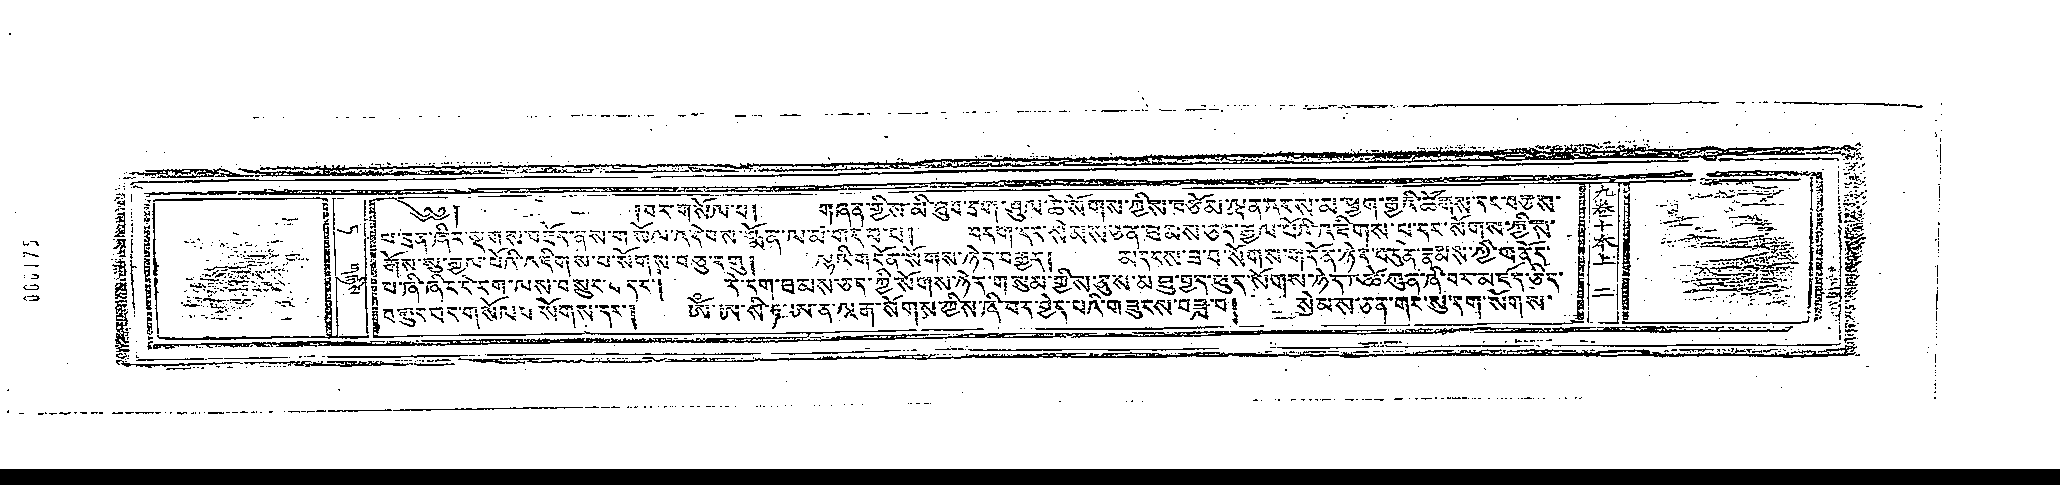༄༅། །བར་གསོལ་བ། །གཞན་གྱིས་མི་ཐུབ་དྲག་ཤུལ་ཆེ་སོགས་ཀྱིས་བཅོམ་ལྡན་འདས་མ་ཕྱག་རྒྱའི་ཚོགས་དང་བཅས་
པ་དྲན་ཞིང་སྔགས་བརྗོད་ནས་གསོལ་འདེབས་སྨོན་ལམ་གདབ་པ། །བདག་དང་སེམས་ཅན་ཐམས་ཅད་རྒྱལ་པོའི་འཇིགས་པ་དང་སོགས་ཀྱིས་
སྒོས་སུ་རྒྱལ་པོའི་འཇིགས་པ་སོགས་བཅུ་དགུ། །ལྷའི་གདོན་སོགས་ཉེར་བརྒྱད། །མདངས་ཟ་བ་སོགས་གདོན་ཉེར་བདུན་རྣམས་ཀྱི་གནོད་
པ་ཞི་ཞིང་དེ་དག་ལས་བསྲུང་བ་དང་། །དེ་དག་ཐམས་ཅད་ཀྱི་སོགས་ཉེར་གསུམ་གྱིས་ནུས་མཐུ་བྱང་ཕུར་སོགས་ཉེར་འཚེ་ཀུན་ཞི་བར་མཛད་ཅིང་
བསྲུང་བར་གསོལ་བ་སོགས་དང་། །ཨོཾ་ཨ་སི་ཏ་ཨ་ན་ལཱརྒ་སོགས་ཀྱིས་ཞི་བར་བྱེད་པའི་གཟུངས་བཟླ་བ། །སེམས་ཅན་གང་སུ་དག་སོགས་